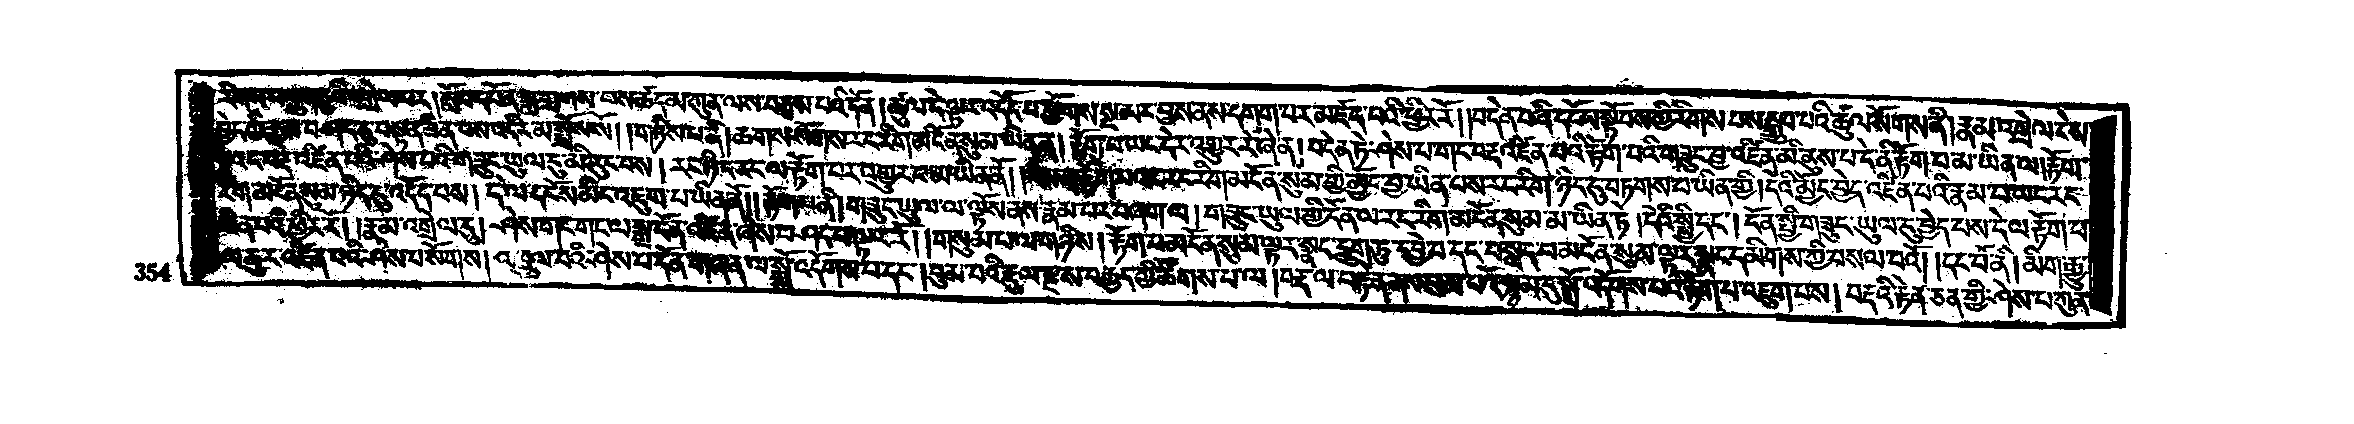རིགས་པ་དྲུག་ཅུའི་འགྲེལ་པར། སློབ་དཔོན་ཟ་གྲགས་པས་ཚད་མ་ཀུན་ལས་བཏུས་པའི་དོན། ཚུལ་དེ་ལྟར་འདོད་པ་ཕྱོགས་སྔ་མར་བྱས་ནས་དགག་པར་མཛད་པའི་ཕྱིར། རོ། །བདེན་བཞི་དངོས་སྟོབས་ཀྱི་རིགས་པས་སྒྲུབ་པའི་ཚུལ་སོགས་ནི། རྣམ་འགྲེལ་ངེས་
བྱེད་ཀྱི་རྣམ་བཤད་རུ་བསྟན་ཟིན་པས་འདིར་མ་སྤོས་སོ། །གཉིས་པ་ནི། ཆགས་སོགས་རང་རིག་མངོན་སུམ་ཡིན་ན། རྟོག་པ་ཡང་དེར་འགྱུར་རོ་ཞེ་ན། བདེན་ཏེ་ཤེས་པ་གང་བརྡ་འཛིན་པའི་རྟོག་པའི་གཟུང་བྱ་འཛིན་མི་ནུས་པ་དེ་ནི་རྟོག་པ་མ་ཡིན་ལ། རྟོག་
པ་འང་བརྡ་འཛིན་པའི་ཤེས་པའི་གཟུང་ཡུལ་དུ་མི་རུང་བས། རང་ཉིད་རང་ལ་རྟོག་པར་འགྱུར་བ་མ་ཡིན་ནོ། །དེས?་ན་རྟོག་པ་འང་རང་རིང་མངོན་སུམ་གྱི་མྱོང་བྱ་ཡིན་པས་རང་རིག་ཉིད་དུ་བཏགས་པ་ཡིན་གྱི། དེའི་མྱོང་བྱེད་འཛིན་པའི་རྣམ་པ་ཡང་རང་
རིག་མངོན་སུམ་ཉིད་དུ་འདོད་པས། དེ་ལ་དངོས་མིང་འཇུག་པ་ཡིན་ནོ། །རྟོག་པ་ནི། གཟུང་ཡུལ་ལ་ལྟོས་ནས་རྣམ་པར་བཞག་ལ། གཟུང་ཡུལ་གྱི་དོན་ལ་རང་རིག་མངོན་སུམ་མ་ཡིན་ཏེ། དེའི་སྤྱི་དང་། དོན་སྤྱི་གཟུང་ཡུལ་དུ་བྱེད་པས་དེ་ལ་རྟོག་པ་
ཡིན་པའི་ཕྱིར། །རྣམ་འགྲེལ་དུ། ཤེས་གང་གང་ལ་སྒྲ་དོན་འཛིན་ཞེས་བཤད་པ་ལྟར་རོ། །གསུམ་པ་ལ་གཉིས། རྟོག་པ་མངོན་སུམ་ལྟར་སྣང་དྲུག་ཏུ་དབྱེ་བ་དང་བསླད་པ་མངོན་སུམ་ལྟར་སྣང་དམིགས་ཀྱི་བསལ་བའོ། །དང་པོ་ནི། མིག་རྒྱུ་
ལ་ཅུར་འཛིན་པའི་ཤེས་པ་སོགས། འཁྲུལ་བའི་ཤེས་པ་དོན་གཞན་ལ་སྒྲོ་འདོགས་པ་དང་། བུམ་པའི་རྡུལ་རྫས་བརྒྱད་ཀྱི་ཚོགས་པ་ལ། བརྡ་ལ་བརྟེན་ནས་བུམ་པའོ་སྙམ་དུ་སྒྲོ་འདོགས་པའི་རྟོག་པ་འཇུག་པས། བརྡའི་རྟེན་ཅན་གྱི་ཤེས་པ་ཀུན་